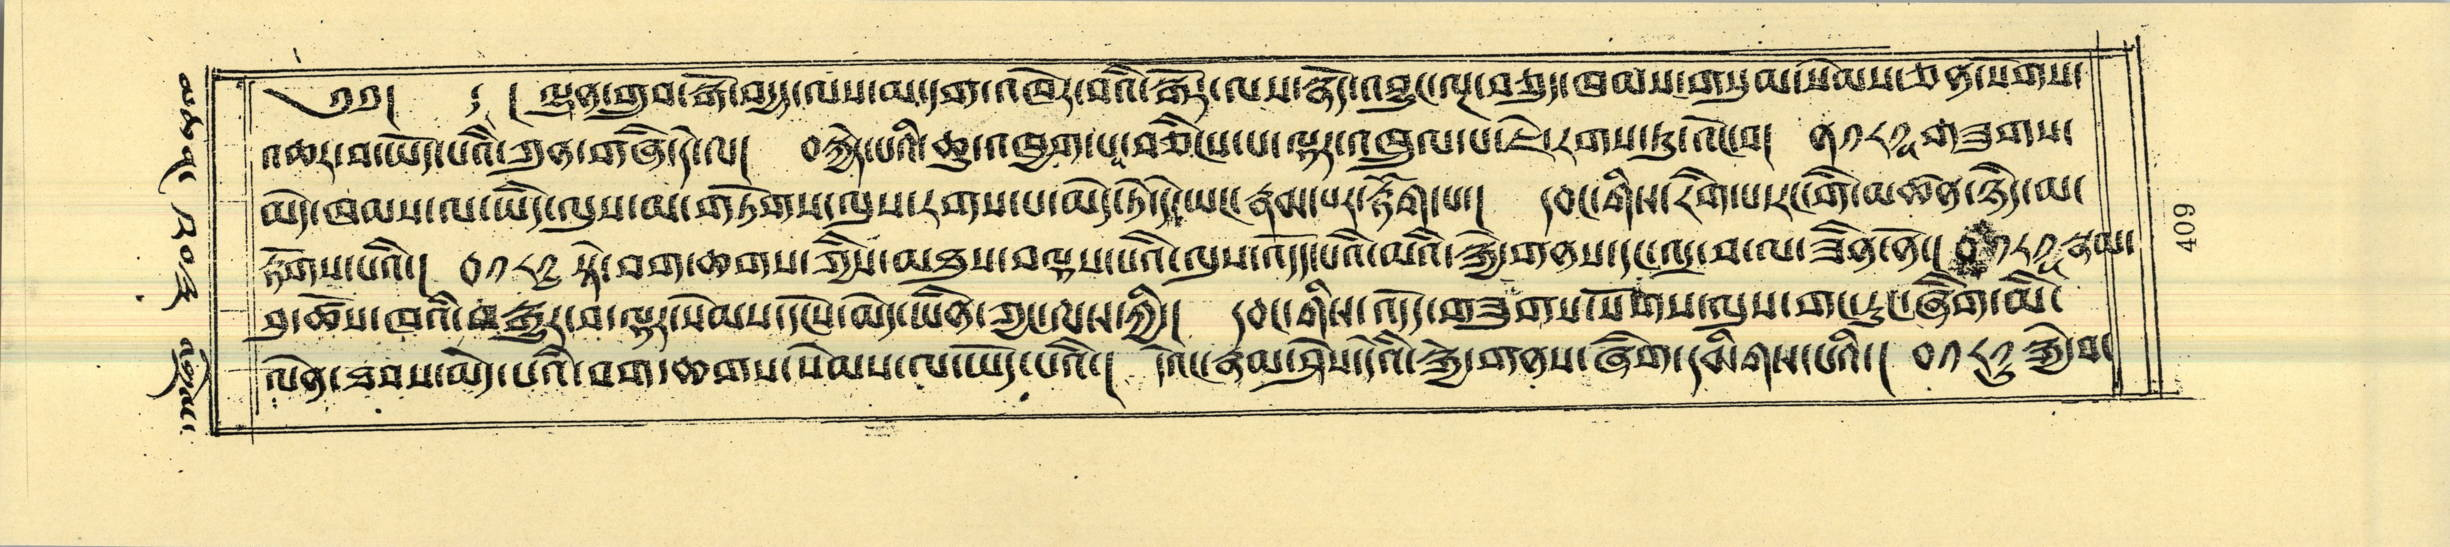ལྷུན་གྲུབ་སྒོ་བརྒྱད་ལས་མ་དག་འཁོར་བའི་སྒོར་ལས་སྣོད་འབྱུང་ལྔ་བཅུད་ཁམས་གསུམ་སེམས་ཅན་སོགས་
འཆར་བ་ཡོད་པའི་ཀུན་གཞི་༼དེ་ལ༽བསྐྱེད་པའི་ཆུ་འཁྱག་པས་བཅིངས་པ་ལྟར་འཁྲུལ་པ་ཇེ་རགས་སུ་འོང་བ་ན༡༨༡།༥གཟུགས་
མེད་ཁམས་ལ་ཡིད་ལུས་མ་གཏོགས་ལུས་རགས་པ་མེད་དེ་དེ་ཡང་རྣམ་པར་རྟོག་པ་ ༼དབང་གིས༽རིག་པ་རང་གི་མཚན་ཉིད་མ་
རྟོགས་པའི་བ༡༨༡།༤སྟེ་བག་ཆགས་ཀྱིས་འཐུས་བལྟས་པའི་ལུས་འདོད་པའི་མའི་སྐྱེ་གནས་དང་འདྲ་ལ་ཟིན་ནོ། བ༡༨༡།༥སྣམ་
བུ་ཚོས་ཁའི་བསྒྱུར་བ་ལྟར་སེམས་དངོས་མེད་ཡིན་ཀྱང་༼ལས་ཀྱི༽༼དབང་གིས༽འདོད་གཟུགས་སོགས་ལུས་གང་རུང་ཞིག་མི་
ལེན་ཐབས་མེད་པའི་བག་ཆགས་སེམས་ལ་ཡོད་པའི། དེའང་རྣམ་ཤེས་དེའི་སྐྱེ་གནས་ཤིག་༼དམིགས་པའི༽བ༡༨༡།༦སྐྱེ་བ་